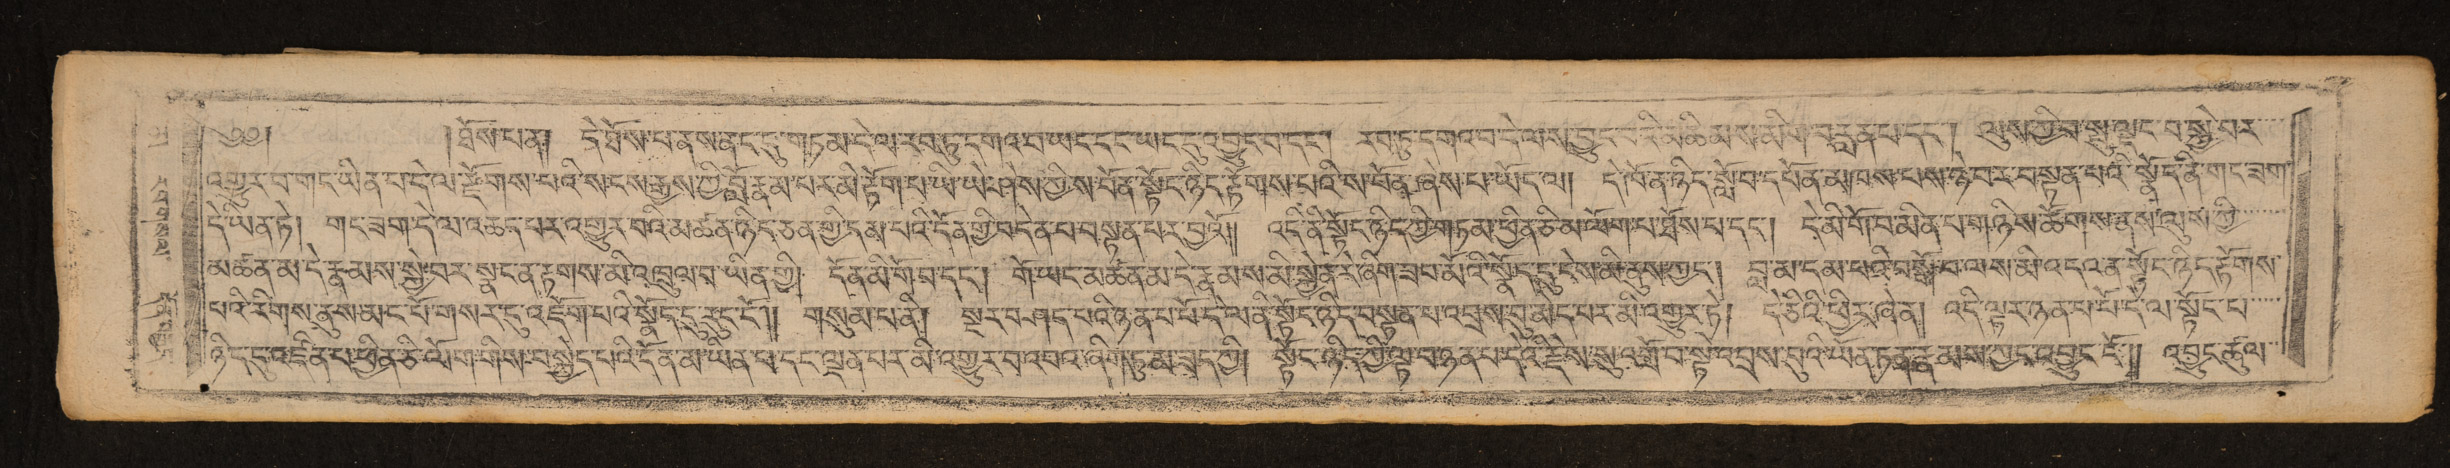༄༅། །ཐོས་པ་ན། དེ་ཐོས་པ་ནས་ནང་དུ་གཏམ་དེ་ལ་རབ་ཏུ་དགའ་བ་ཡང་དང་ཡང་དུ་འབྱུང་བ་དང་། རབ་ཏུ་དགའ་བ་དེ་ལས་བྱུང་བའི་མཆི་མས་མིག་བརླན་པ་དང་། ལུས་ཀྱི་བ་སྤུ་ལྡང་བ་སྐྱེ་བར་
འགྱུར་བ་གང་ཡིན་པ་དེ་ལ་རྫོགས་པའི་སངས་རྒྱས་ཀྱི་བློ་རྣམ་པར་མི་རྟོག་པ་ཡི་ཡེ་ཤེས་ཀྱི་ས་བོན་སྟོང་ཉིད་རྟོགས་པའི་ས་བོན་ཞེས་པ་ཡོད་ལ། དེ་ཁོ་ན་ཉིད་སློབ་དཔོན་མཁས་པས་ཉེ་བར་བསྟན་པའི་སྣོད་ནི་གང་ཟག་
དེ་ཡིན་ཏེ། གང་ཟག་དེ་ལ་འཆད་པར་འགྱུར་བའི་མཚན་ཉིད་ཅན་གྱི་དམ་པའི་དོན་གྱི་བདེན་པ་བསྟན་པར་བྱའོ།། འདི་ནི་སྟོང་ཉིད་ཀྱི་གཏམ་ཕྱིན་ཅི་མ་ལོག་པ་ཐོས་པ་དང་། དེ་མི་གོ་བ་མིན་པ་གཉིས་ཚོགས་ནས་ལུས་ཀྱི་
མཚན་མ་དེ་རྣམས་སྐྱེ་བར་སྣང་ན་རྟགས་མི་འཁྲུལ་བ་ཡིན་གྱི། དོན་མི་གོ་བ་དང་། གོ་ཡང་མཚན་མ་དེ་རྣམས་མི་སྐྱེ་ན་རེ་ཞིག་ཟབ་མོའི་སྣོད་དུ་ངེས་མི་ནུས་ཀྱང་། བླ་མ་དམ་པའི་བསྒོ་བ་ལས་མི་འདའ་ན་སྟོང་ཉིད་རྟོགས་
པའི་རིགས་ནུས་མང་པོ་གསར་དུ་འཇོག་པའི་སྣོད་དུ་རུང་ངོ།། གསུམ་པ་ནི། སྔར་བཤད་པའི་ཉན་པ་པོ་དེ་ལ་ནི་སྟོང་ཉིད་བསྟན་པ་འབྲས་བུ་མེད་པར་མི་འགྱུར་ཏེ། དེ་ཅིའི་ཕྱིར་ཞེ་ན། འདི་ལྟར་ཉན་པ་པོ་དེ་ལ་སྟོང་པ་
ཉིད་དུ་འཛིན་པ་ཕྱིན་ཅི་ལོག་གིས་བསྐྱེད་པའི་དོན་མ་ཡིན་པ་དང་ལྡན་པར་མི་འགྱུར་བ་འབའ་ཞིག་ཏུ་མ་ཟད་ཀྱི། སྟོང་ཉིད་ཀྱི་ལྟ་བ་ཉན་པ་དེའི་རྗེས་སུ་འགྲོ་བ་སྟེ་འབྲས་བུའི་ཡོན་ཏན་རྣམས་ཀྱང་འབྱུང་ངོ།། འབྱུང་ཚུལ་